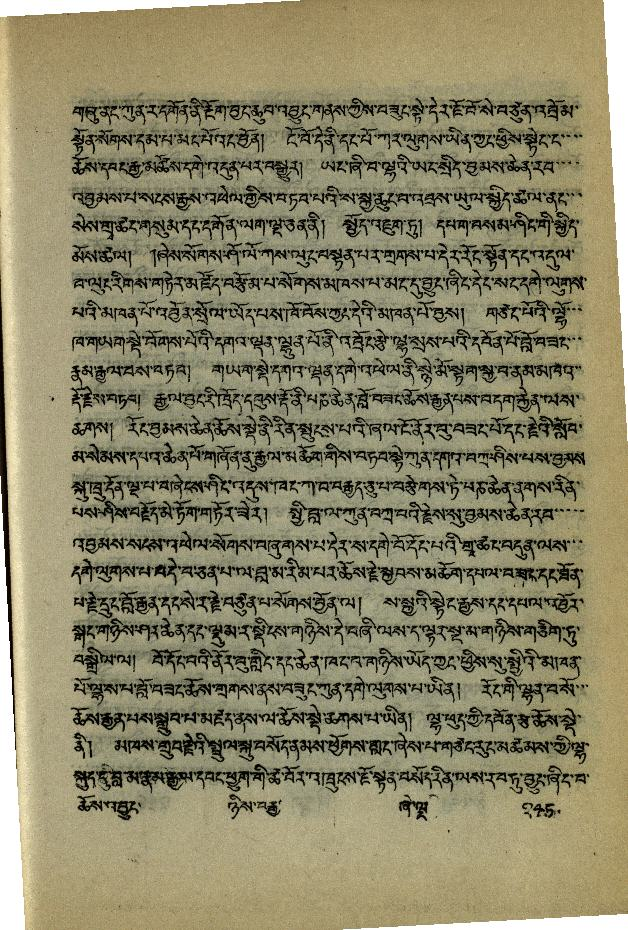གཞུ་ནང་ཀུན་ར་དགོན་ནི་རྔོག་བྱང་ཆུབ་འབྱུང་གནས་ཀྱིས་བཟུང་སྟེ་དེར་ཇོ་བོ་སེ་བཙུན་འབྲོམ་
སྟོན་སོགས་དམ་པ་མང་པོའང་བྱོན། ངོ་བོ་དེ་ནི་དང་པོ་ཀར་ལུགས་ཡིན་ཀྱང་ཕྱིས་སྟེང་ང་
ཆོས་དབང་རྒྱ་མཚོས་དགེ་འདུན་པར་བསྒྱུར། ཡང་ཞི་བ་ལྷའི་ཡང་སྲིད་བྱམས་ཆེན་རབ་
འབྱམས་པ་སངས་རྒྱས་འཕེལ་གྱིས་བཏབ་པའི་ས་སྐྱ་ཆུང་བ་འབྲས་ཡུལ་སྐྱིད་ཚལ་ནང་
སེས་གྲྭ་ཚང་གསུམ་དང་དགོན་ལག་ལྔ་ཅན་ནི། སྤྱོད་འཇུག་ཏུ། དཔག་བསམ་ཤིང་གི་སྐྱིད་
མོས་ཚལ། །ཞེས་སོགས་ཤོ་ལོ་ཀས་ལུང་བསྟན་པར་གྲགས་པ་དེར་རོང་སྟོན་དང་འདུལ་
བ་ལུང་རིགས་གཏེར་མཛོད་བརྩོམ་པ་སོགས་མཁས་པ་མང་དུ་བྱུང་ཞིང་དེང་སང་དགེ་ལུགས་
པའི་མཁན་པོ་འབྱོན་སྲོལ་ཡོད་པས་ཁོ་བོས་ཀྱང་དེའི་མཁན་པོ་བྱས། གཙང་པོའི་ལྷོ་
ཁ་གཡག་སྡེ་བོགས་པོའི་དགའ་ལྡན་ལྷུན་པོ་ནི་འབྲོང་རྩེ་ལྷ་སྲས་པའི་དབོན་པོ་བློ་བཟང་
རྣམ་རྒྱལ་བས་བཏབ། གཡག་སྡེ་དགའ་ལྡན་དགེ་འཕེལ་ནི་སྙེ་མོ་སྟག་སྐྱ་བ་ནམ་མཁའ་
རྡོ་རྗེས་བཏབ། རྒྱལ་བྱང་རི་ཁྲོད་དབུས་རྡོ་ནི་པཎ་ཆེན་བློ་བཟང་ཆོས་རྒྱན་པས་བདག་རྐྱེན་ལས་
ཆགས། རོང་བྱམས་ཆེན་ཆོས་སྡེ་ནི་རིན་སྤུངས་པའི་ཞལ་ངོ་ནོར་བུ་བཟང་པོ་དང་རྗེའི་སློབ་
མ་སེམས་དཔའ་ཆེན་པོ་གཞོན་ནུ་རྒྱལ་མཆོག་གིས་བཏབ་སྟེ་ཀུན་དགའ་བཀྲ་ཤིས་པས་བྱམས་
སྐུ་ཁྲུ་དོན་ལྔ་པ་བཞེངས་ཤིང་འདུས་ཁང་ཀ་བ་བརྒྱད་ཅུ་པ་བརྩེགས་ཏེ་པཎ་ཆེན་ནགས་རིན་
པས་ཤིས་བརྗོད་མེ་ཏོག་གཏོར་ཟེར། སྤྱི་བླ་ལ་ཀུན་བཀྲ་བའི་རྗེས་སུ་བྱམས་ཆེན་རབ་
འབྱམས་སངས་འཕེལ་སོགས་བཞུགས་པ་དེར་ས་དགེ་བོ་དོང་པའི་གྲྭ་ཚང་བདུན་ལས་
དགེ་ལུགས་པ་བདེ་བ་ཅན་པ་ལ་བླ་མ་རིམ་པར་ཆོས་རྗེ་སྐྱབས་མཆོག་དཔལ་བཟང་དང་ཐོན་
པ་རྗེ་དྲུང་བློ་རྒྱན་དང་སེ་ར་རྗེ་བཙུན་པ་སོགས་བྱོན་ལ། ས་སྐྱའི་སྟེང་རྒྱས་དང་དཔལ་འབྱོར་
སྒང་གཉིས་ཤར་ཆེན་དང་ལྡུམ་ར་སྡིངས་གཉིས་དེ་བཞི་ལས་ད་ལྟར་སྔ་མ་གཉིས་གཅིག་ཏུ་
བསྒྲིལ་ལ། བོ་དོང་བའི་ནོར་བུ་གླིང་དང་ཆེན་ཁང་བ་གཉིས་ཡོད་ཀྱང་ཕྱིས་སུ་སྤྱིའི་མཁན་
པོ་ལྷ་ས་པ་བློ་བཟང་ཆོས་གྲགས་ནས་བཟུང་ཀུན་དགེ་ལུགས་པ་ཡིན། རོང་གི་ལྷན་བ་སོ་
ཆོས་རྒྱན་པས་སྒྲུབ་པ་མཛད་ནས་ལ་ཆོས་སྡེ་ཆགས་པ་ཡིན། ལྷ་ཕུད་ཀྱི་དབོན་རྩ་ཆོས་སྡེ་
ནི། མཁས་གྲུབ་རྗེའི་སྤྲུལ་སྐུ་བསོད་ནམས་ཕྱོགས་གླང་ཞེས་པ་གཙང་རུང་མཚམས་ཀྱི་ལྷ་
སྐུད་དུ་བླ་མ་རྣམ་རྒྱལ་དབང་ཕྱུག་གི་ཚ་བོར་འཁྲུངས་ཇོ་སྟན་བསོད་རིན་ལས་རབ་ཏུ་བྱུང་ཞིང་བ་